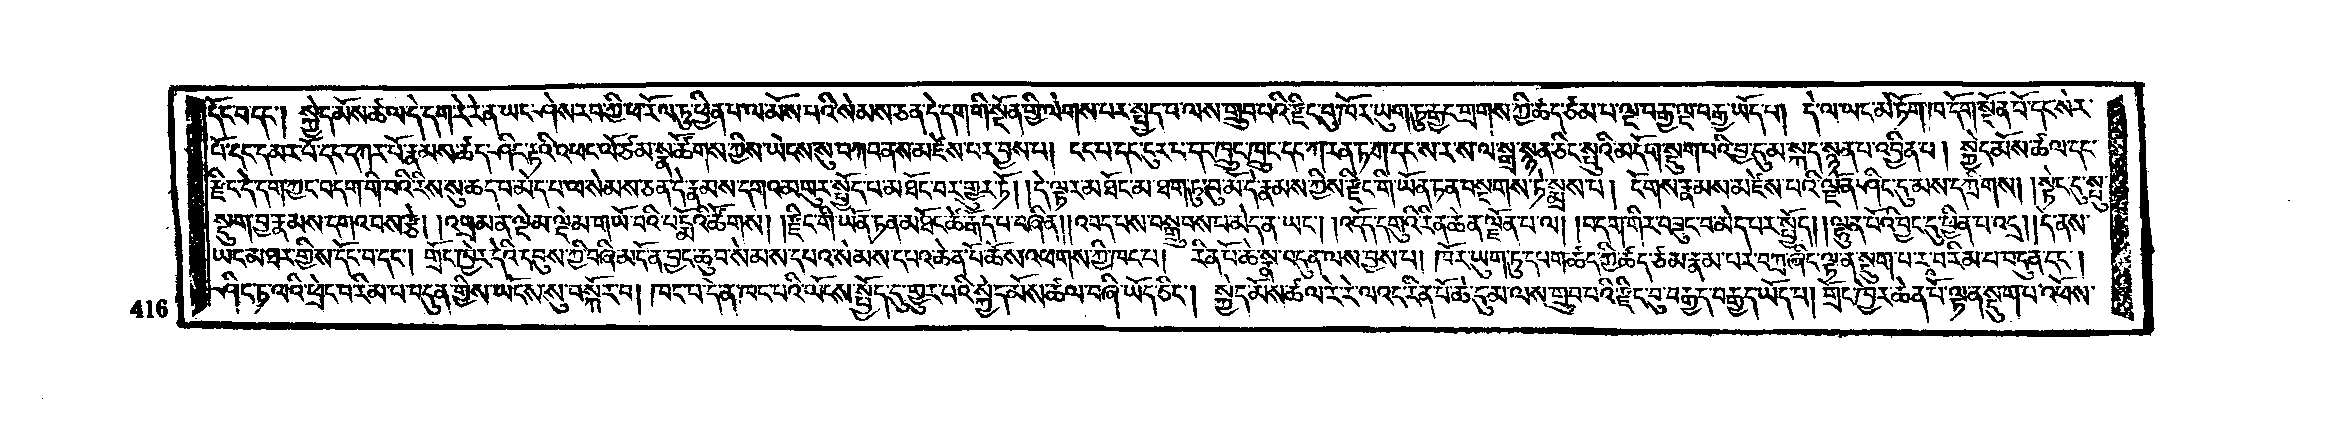དོང་བ་དང་། སྐྱེད་མོས་ཚལ་དེ་དག་རེ་རེ་ན་ཡང་ཤེས་རབ་ཀྱི་ཕ་རོལ་ཏུ་ཕྱིན་པ་ལ་མོས་པའི་སེམས་ཅན་དེ་དག་གི་སྔོན་གྱི་ལེགས་པར་སྤྱད་པ་ལས་གྲུབ་པའི་རྫིང་བུ་ཁོར་ཡུག་ཏུ་རྒྱང་གྲགས་ཀྱི་ཚད་ཙམ་པ་ལྔ་བརྒྱ་ལྔ་བརྒྱ་ཡོད་པ། དེ་ལ་ཡང་མེ་ཏོག་ཁ་དོག་སྔོན་པོ་དང་སེར་
པོ་དང་དམར་པོ་དང་དཀར་པོ་རྣམས་ཚད་ཤིང་རྟའི་འཕང་ལོ་ཙམ་སྣ་ཚོགས་ཀྱིས་ཡོངས་སུ་བཀབ་ནས་མཛེས་པར་བྱས་པ། ངང་པ་དང་ངུར་པ་དང་ཁྲུང་ཁྲུང་དང་ཀ་རན་ཏ་ག་དང་ས་ར་ས་ལ་སྒྲ་སྙན་ཅིང་སྤུའི་མདོག་སྡུག་པའི་བྱ་དུ་མ་སྐད་སྙན་པ་འབྱིན་པ། སྐྱེད་མོས་ཚལ་དང་
རྫིང་དེ་དག་ཀྱང་བདག་གི་བའི་རིས་སུ་ཆད་པ་མེད་པ་ལ་སེམས་ཅན་དེ་རྣམས་དགའ་མགུར་སྤྱོད་པ་མཐོང་བར་གྱུར་ཏོ། །དེ་ལྟར་མཐོང་མ་ཐག་ཏུ་བུ་མོ་དེ་རྣམས་ཀྱིས་རྫིང་གི་ཡོན་ཏན་བསྔགས་ཏེ་སྨྲས་པ། དོགས་རྣམས་མཛེས་པའི་ལྗོན་ཤིང་དུ་མས་དཀྲིགས། །སྟེང་དུ་སྤུ་
སྡུག་བྱ་རྣམས་དགའ་བས་རྩེ། །འགྲམ་ན་ལྡེམ་ལྡེམ་གཡོ་བའི་པདམོའི་ཚོགས། །རྫིང་གི་ཡོན་ཏན་མཐོང་ཚེ་རྒོད་པ་བཞིན། །འབད་པས་བསྒྲུབས་པ་མེད་ན་ཡང་། །འདོད་དགུའི་རིན་ཆེན་ལྗོན་པ་ལ། །བདག་གིར་བཟུང་བ་མེད་པར་སྤྱོད། །ལྷུན་པོ་བྱང་དུ་ཕྱིན་པ་འདྲ། །དེ་ནས་
ཡང་མཐར་གྱིས་དོང་བ་དང་། གྲོང་ཁྱེར་དེའི་དབུས་ཀྱི་བཞི་མདོ་ན་བྱང་ཆུབ་སེམས་དཔའ་སེམས་དཔའ་ཆེན་པོ་ཆོས་འཕགས་ཀྱི་ཁང་པ། རིན་པོ་ཆེ་སྣ་བདུན་ལས་བྱས་པ། ཁོར་ཡུག་ཏུ་དཔག་ཚད་ཀྱི་ཚད་ཙམ་རྣམ་པར་བཀྲ་ཞིང་ལྟ་ན་སྡུག་པ་རྭ་བ་རིམ་པ་བདུན་དང་།
ཤིང་ཏ་ལའི་ཕྲེང་བ་རིམ་པ་བདུན་གྱིས་ཡོངས་སུ་བསྐོར་བ། ཁང་པ་དེ་ན་ཁང་པའི་ལོངས་སྤྱོད་དུ་གྱུར་པའི་སྐྱེད་མོས་ཚལ་བཞི་ཡོད་ཅིང་། སྐྱེད་མོས་ཚལ་རེ་རེ་ལའང་རིན་པོ་ཆེ་དུ་མ་ལས་གྲུབ་པའི་རྫིང་བུ་བརྒྱད་བརྒྱད་ཡོད་པ། གྲོང་ཁྱེར་ཆེན་པོ་ལྟ་ན་སྡུག་པ་འཕོས་